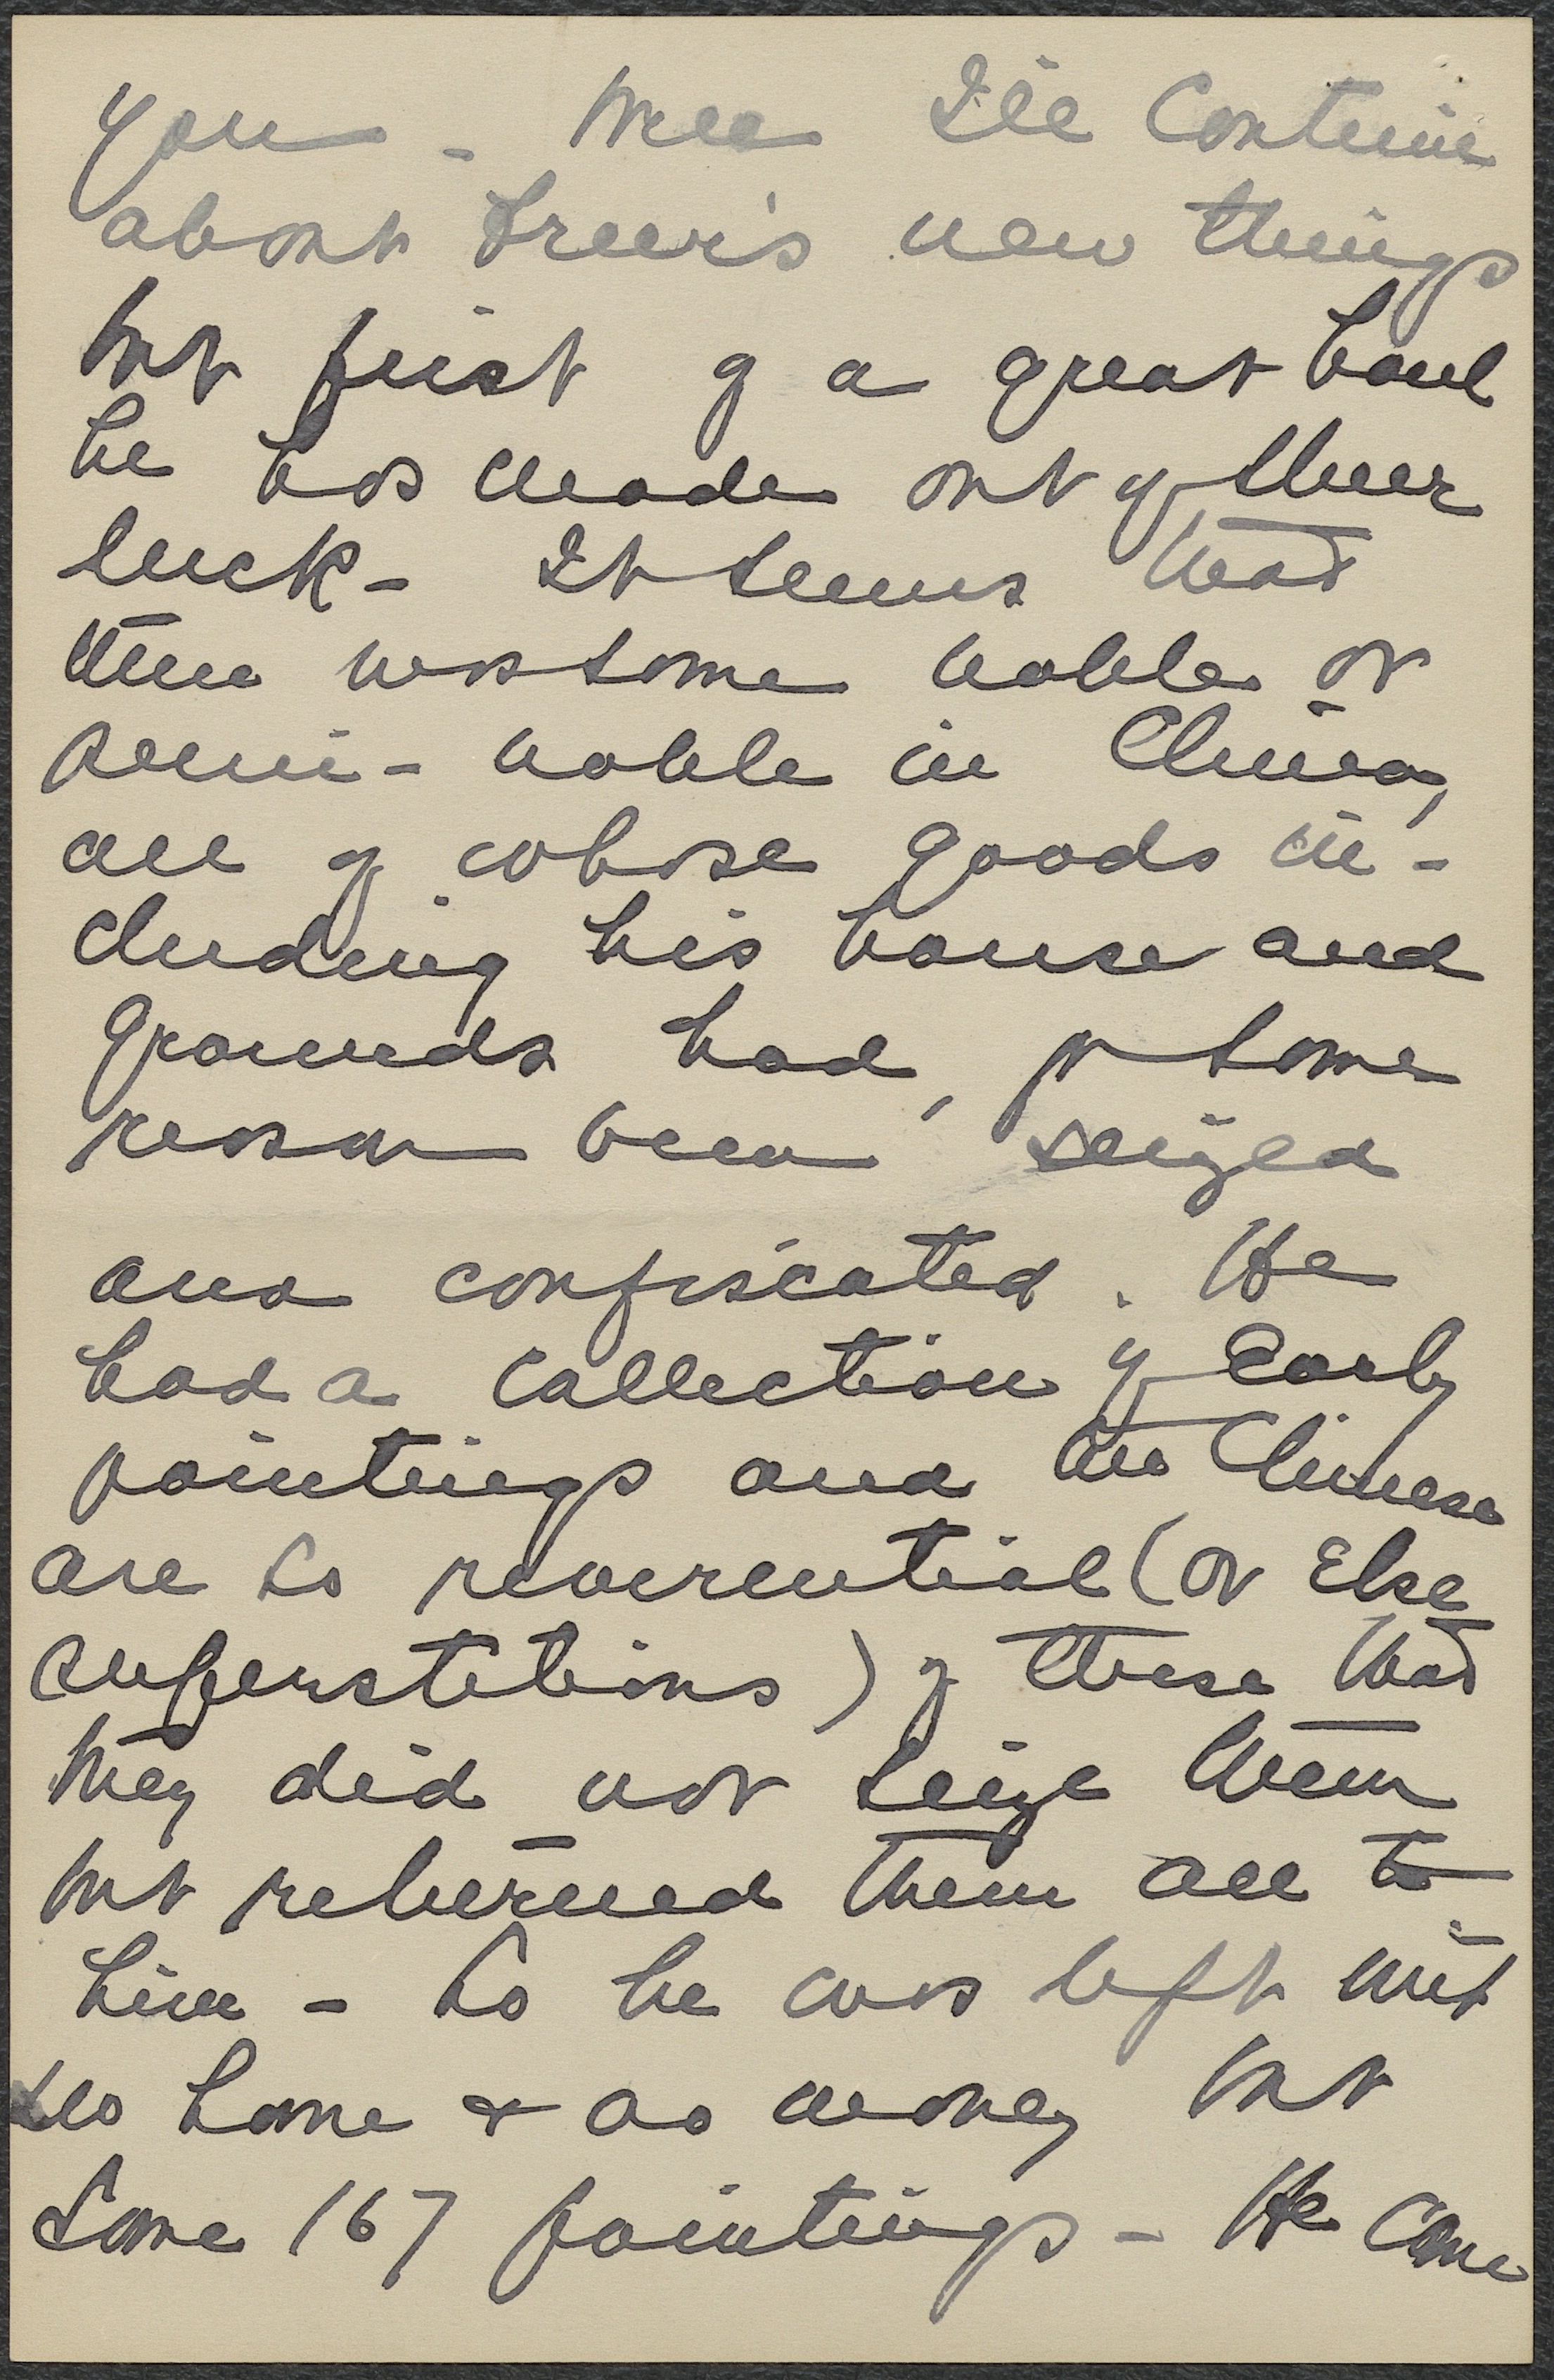you – Well I’ll continue about Freer’s new things but first of a great haul he has made out of sheer luck – It seems that there was some noble or semi-noble in China, all of whose goods including his house and grounds had, for some reason been seized and confiscated. He had a collection of early paintings and the Chinese are so reverential (or else superstitions) of these that they did not seize them but returned them all to him – So he was left with no home & no money but some 167 paintings – He came